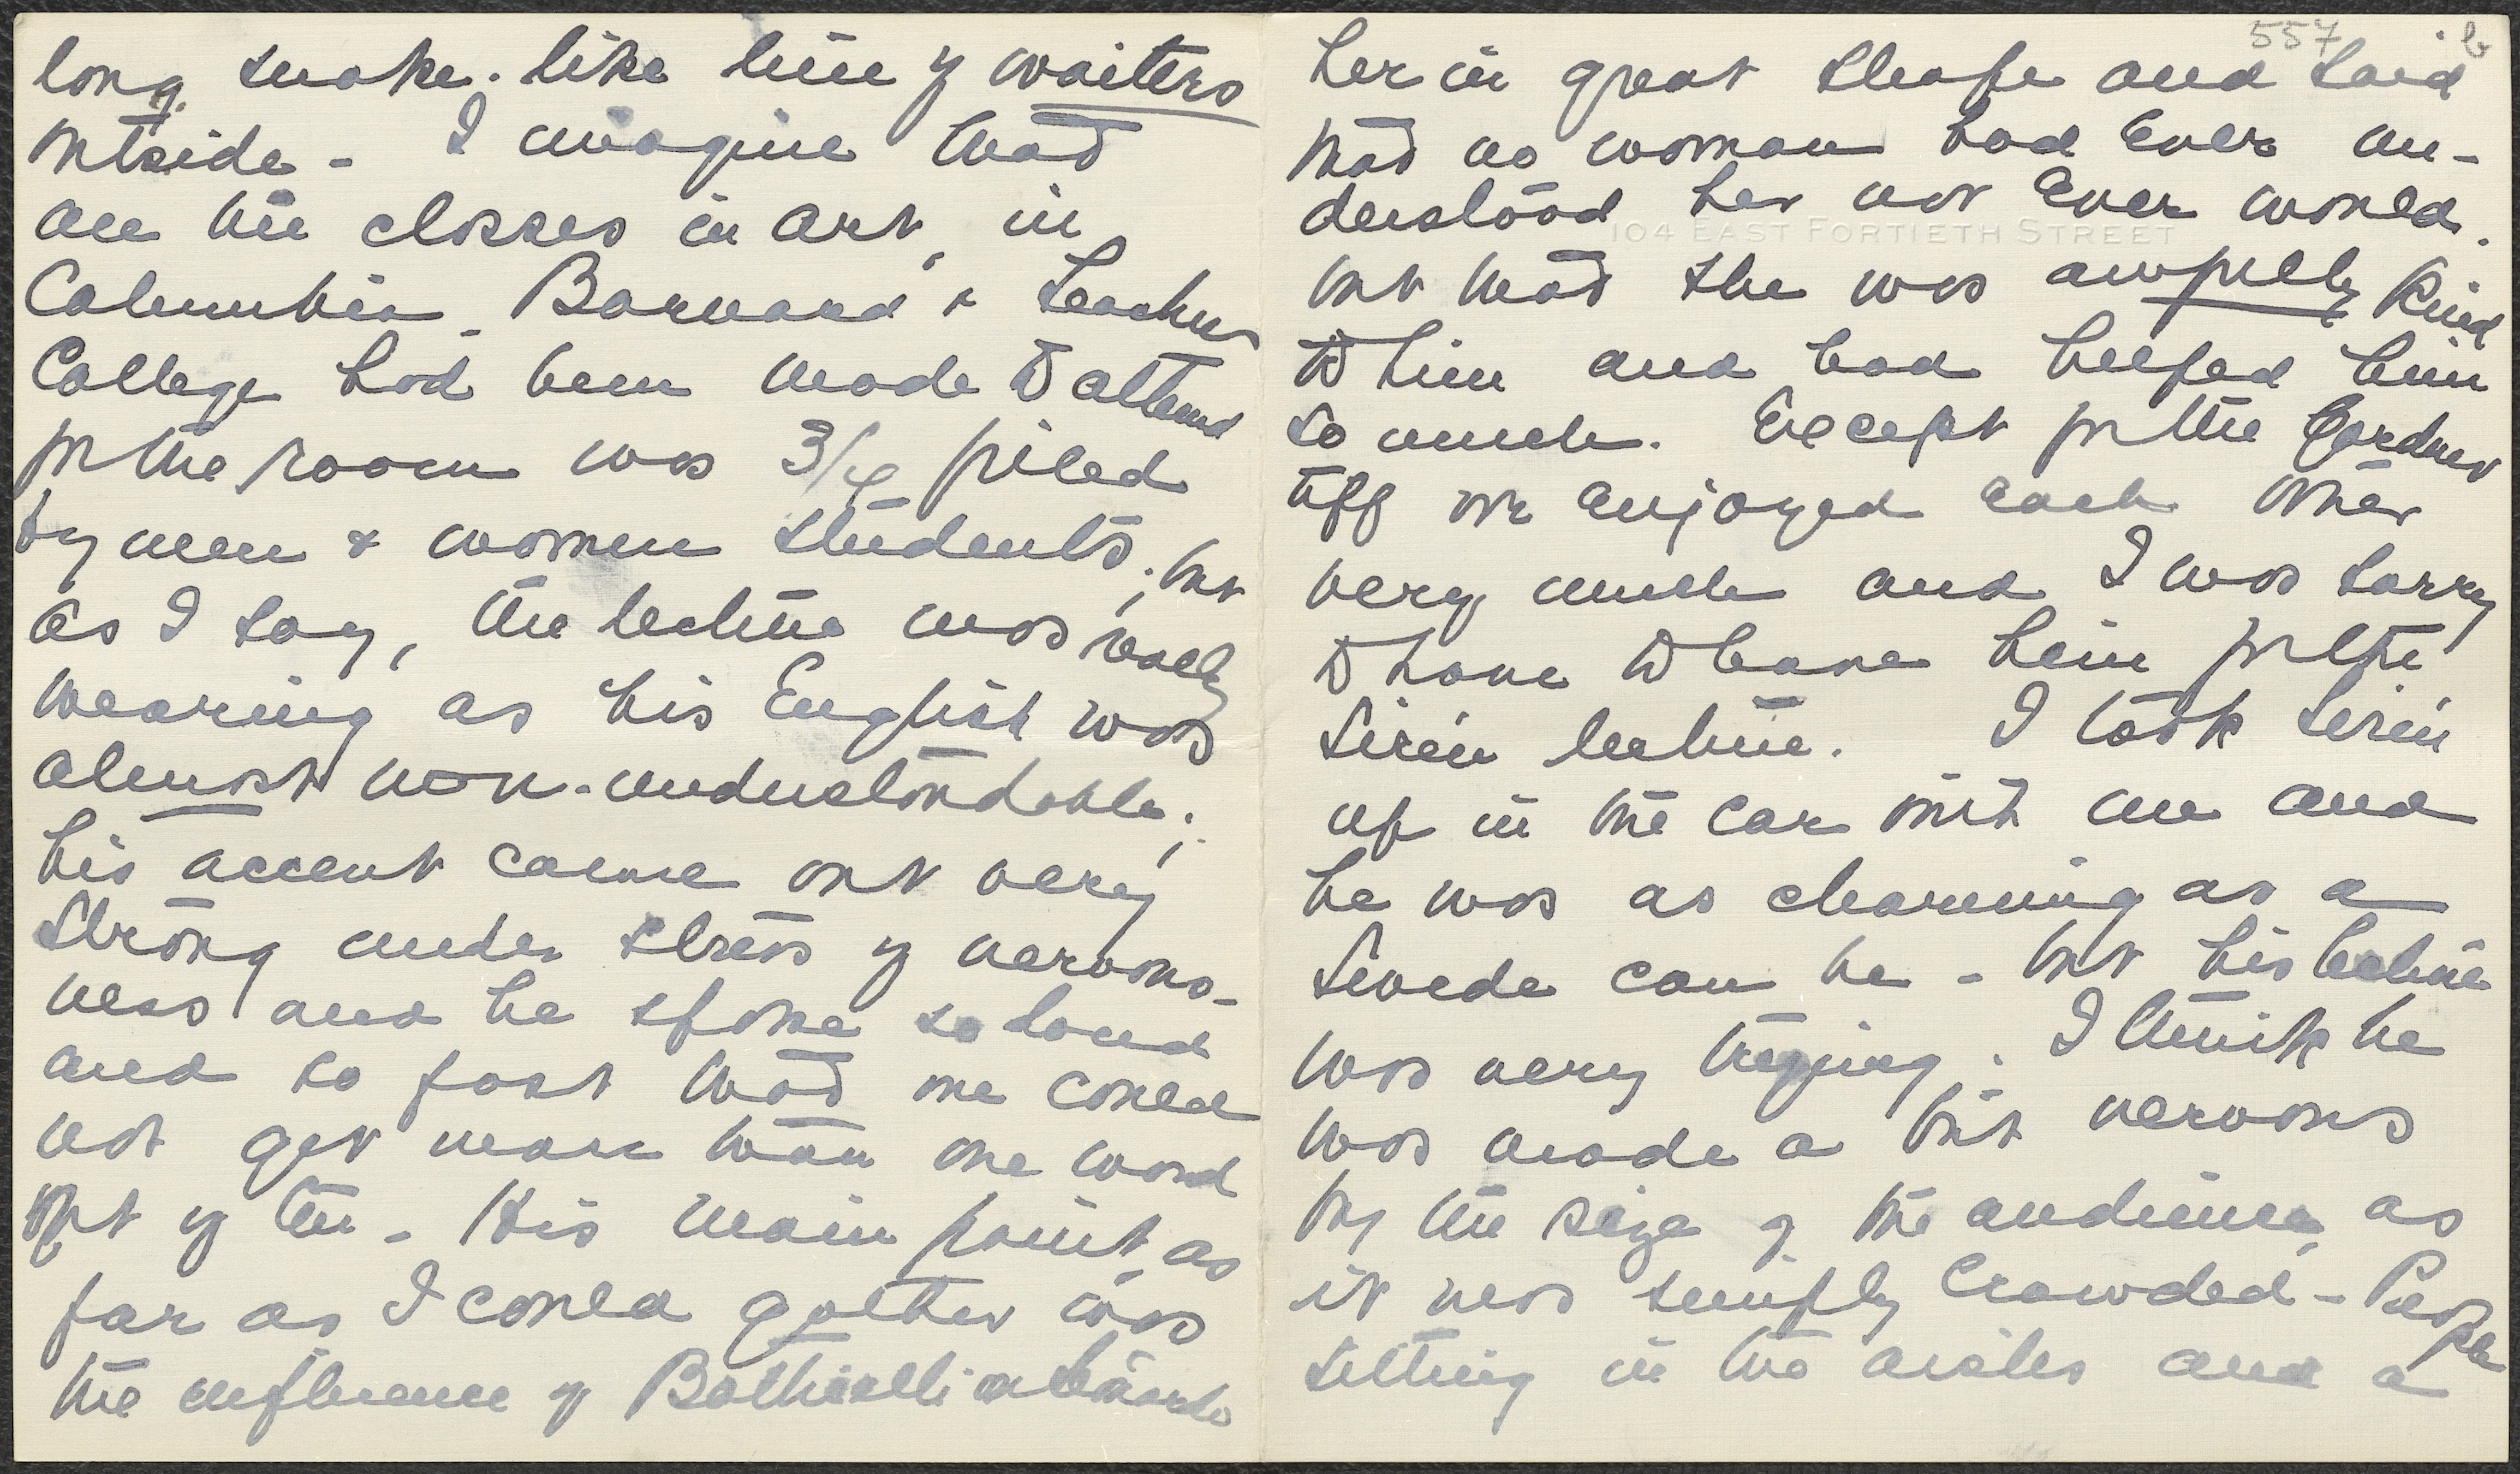her in great shape and said that no woman had ever understood her nor ever would. but that she was awfully kind to him and had helped him so much. Except for the Gardner tiff we enjoyed each other very much and I was sorry to have to leave him for the Sirén lecture. I took Sirén up in the car with me and he was as charming as a Swede can be – but his lecture was very trying. I think he was made a but nervous by the size of the audience, as it was simply crowded – People sitting in the aisles and a
long snake-like line of waiters outside – I imagine that all the classes in art, in Colombia Barnard & Teacher College had been made to attend for the room was ¾ filled by men & women students; but as I say, the lecture was really wearing as his English was almost non-understandable; his accent came out very strong under stress of nervousness and he spoke so loud and so fast that one could not get more than one word out of ten – His main point, as far as I could gather, was the influence of Botticelli on Leonardo